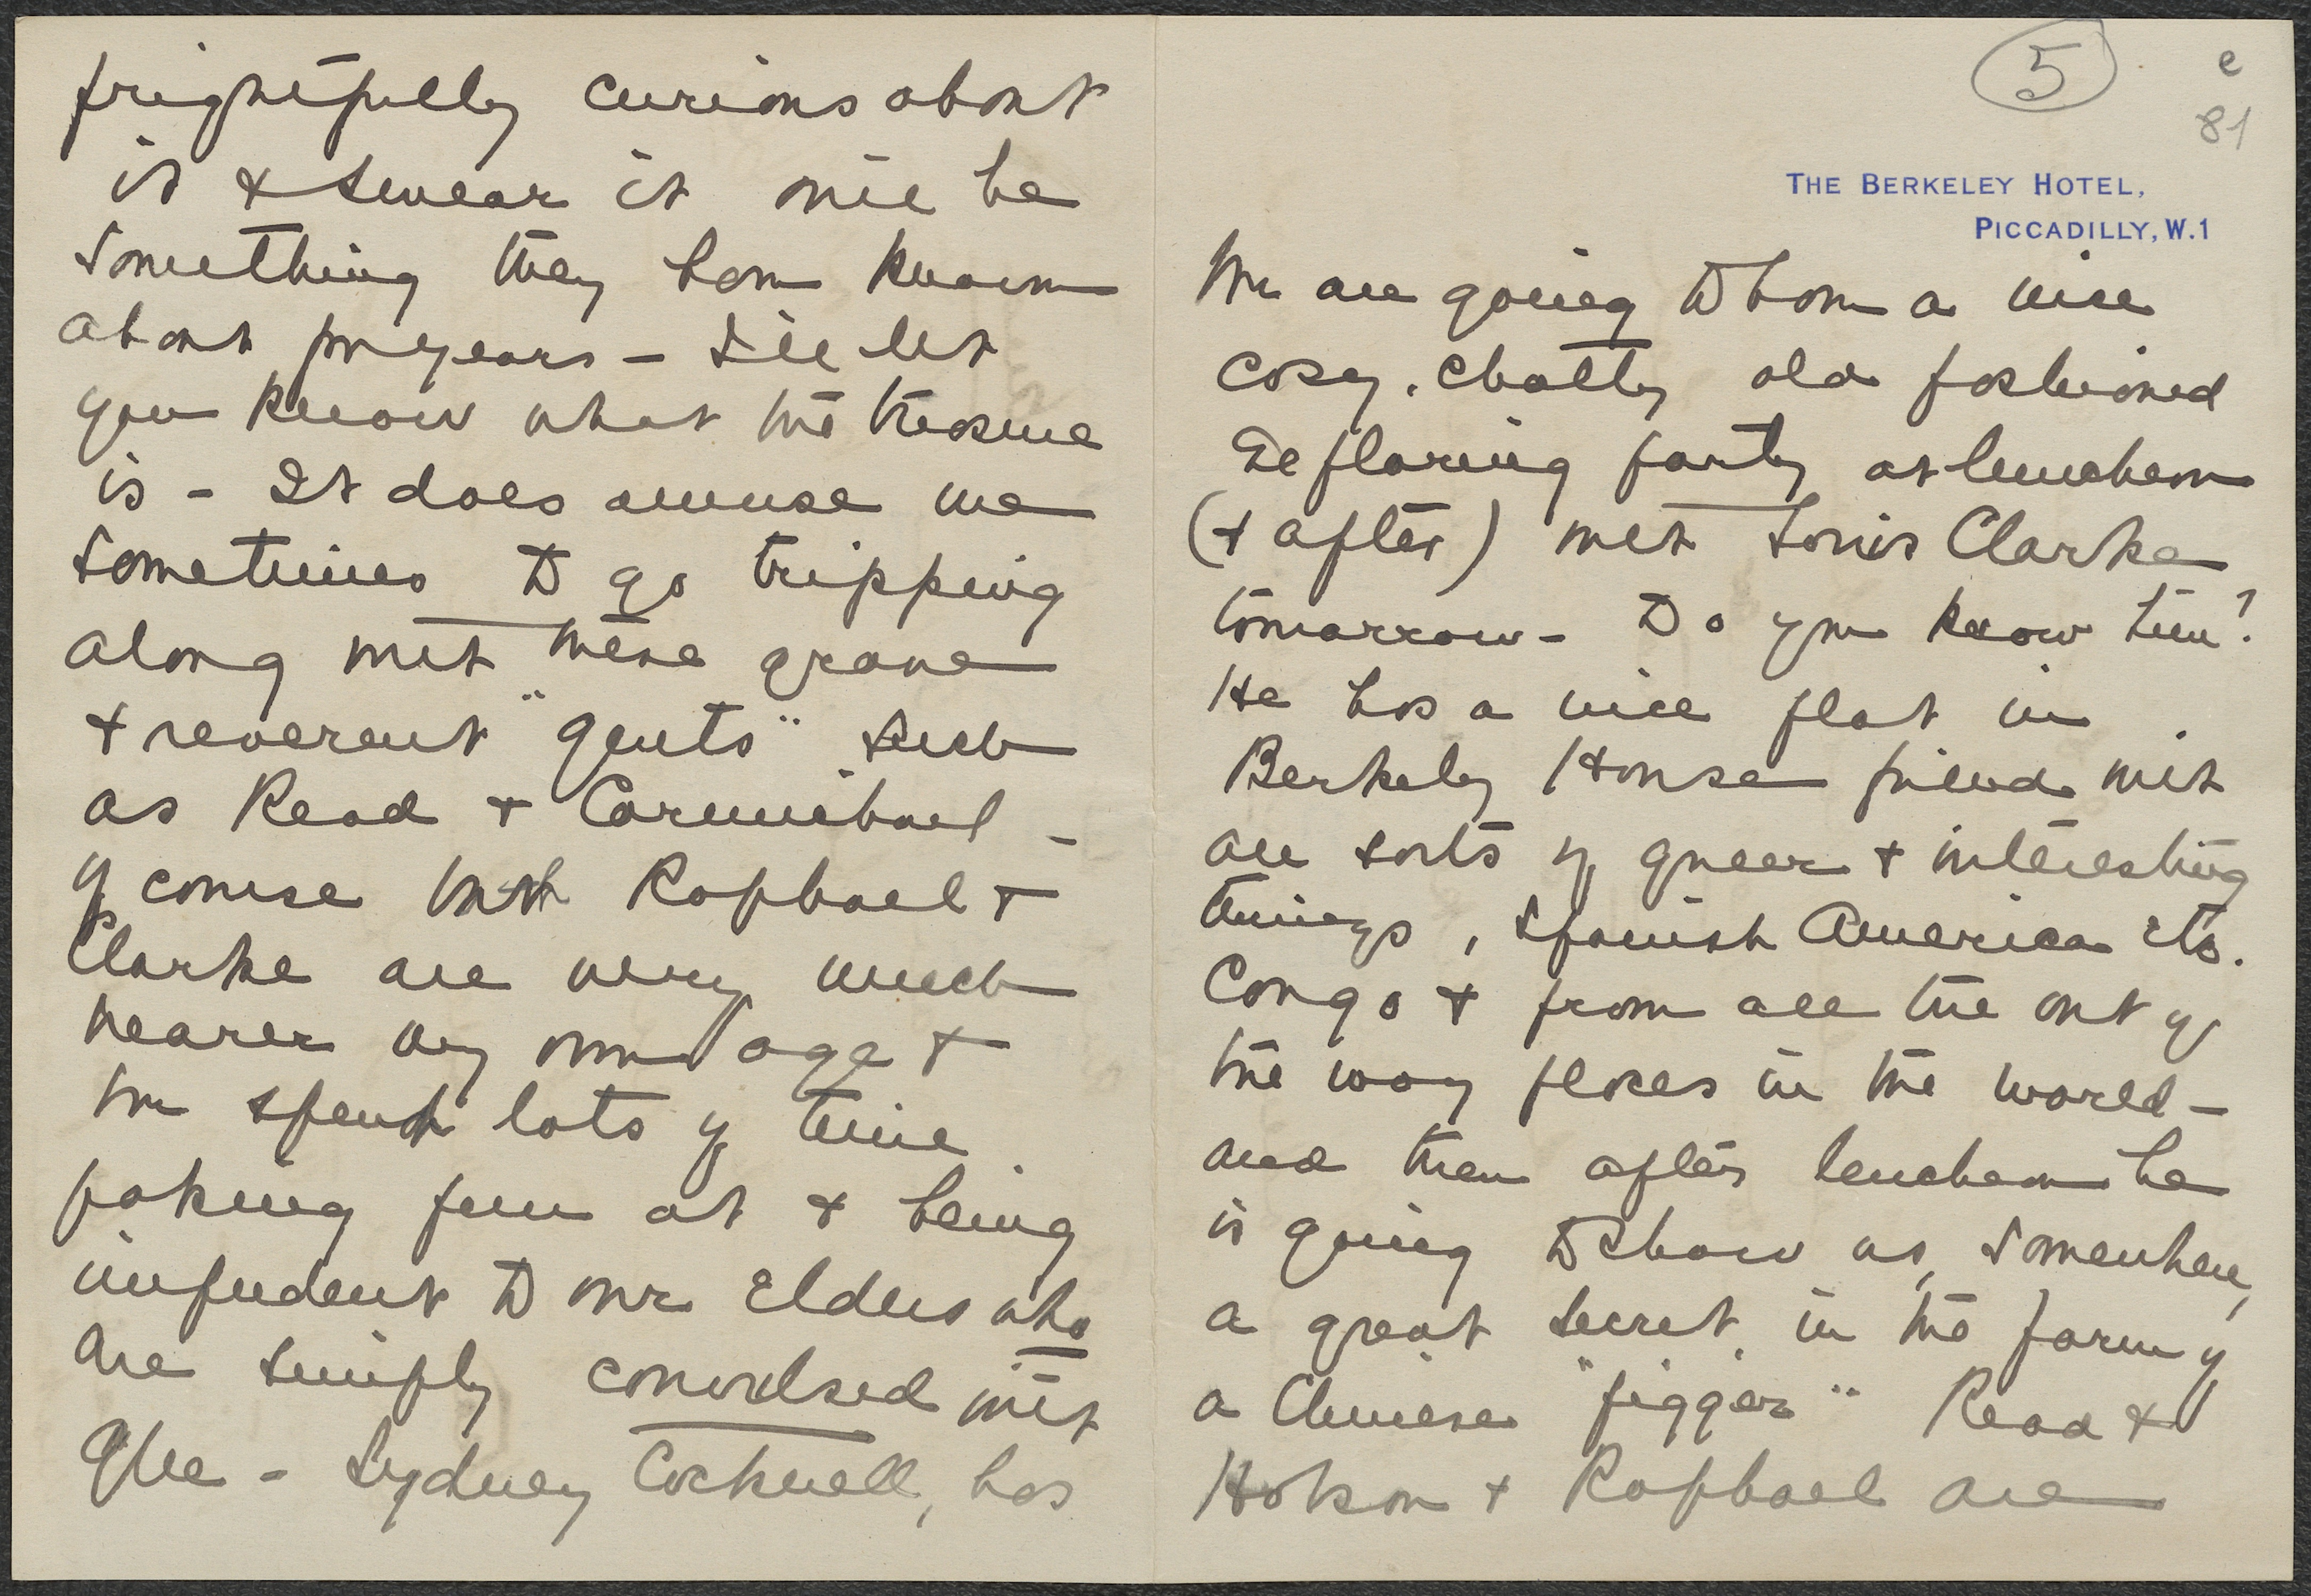We are going to have a nice cozy, chatty old fashioned exploring party at luncheon (& after) with Louis Clarke tomorrow – Do you know him? He has a nice flat in Berkeley House filled with all sorts or queer & interesting things, Spanish America etc. Congo & from all the out of the way places in the world – and then after luncheon he is going to show us, somewhere, a great secret in the form of a Chinese "figger" Read & Hobson & Raphael are
frightfully curious about it & swear it will be something they have known about for years – I'll let you know what the treasure is – It does amuse me sometimes to go tripping along with these grave & reverent "gents" such as Read & Carmichael – of course with Raphael & Clarke are very much nearer my own age & we spend lots of time poking fun at & being impudent to our elders who are simply convulsed with glee – Sydney Cockerell, has